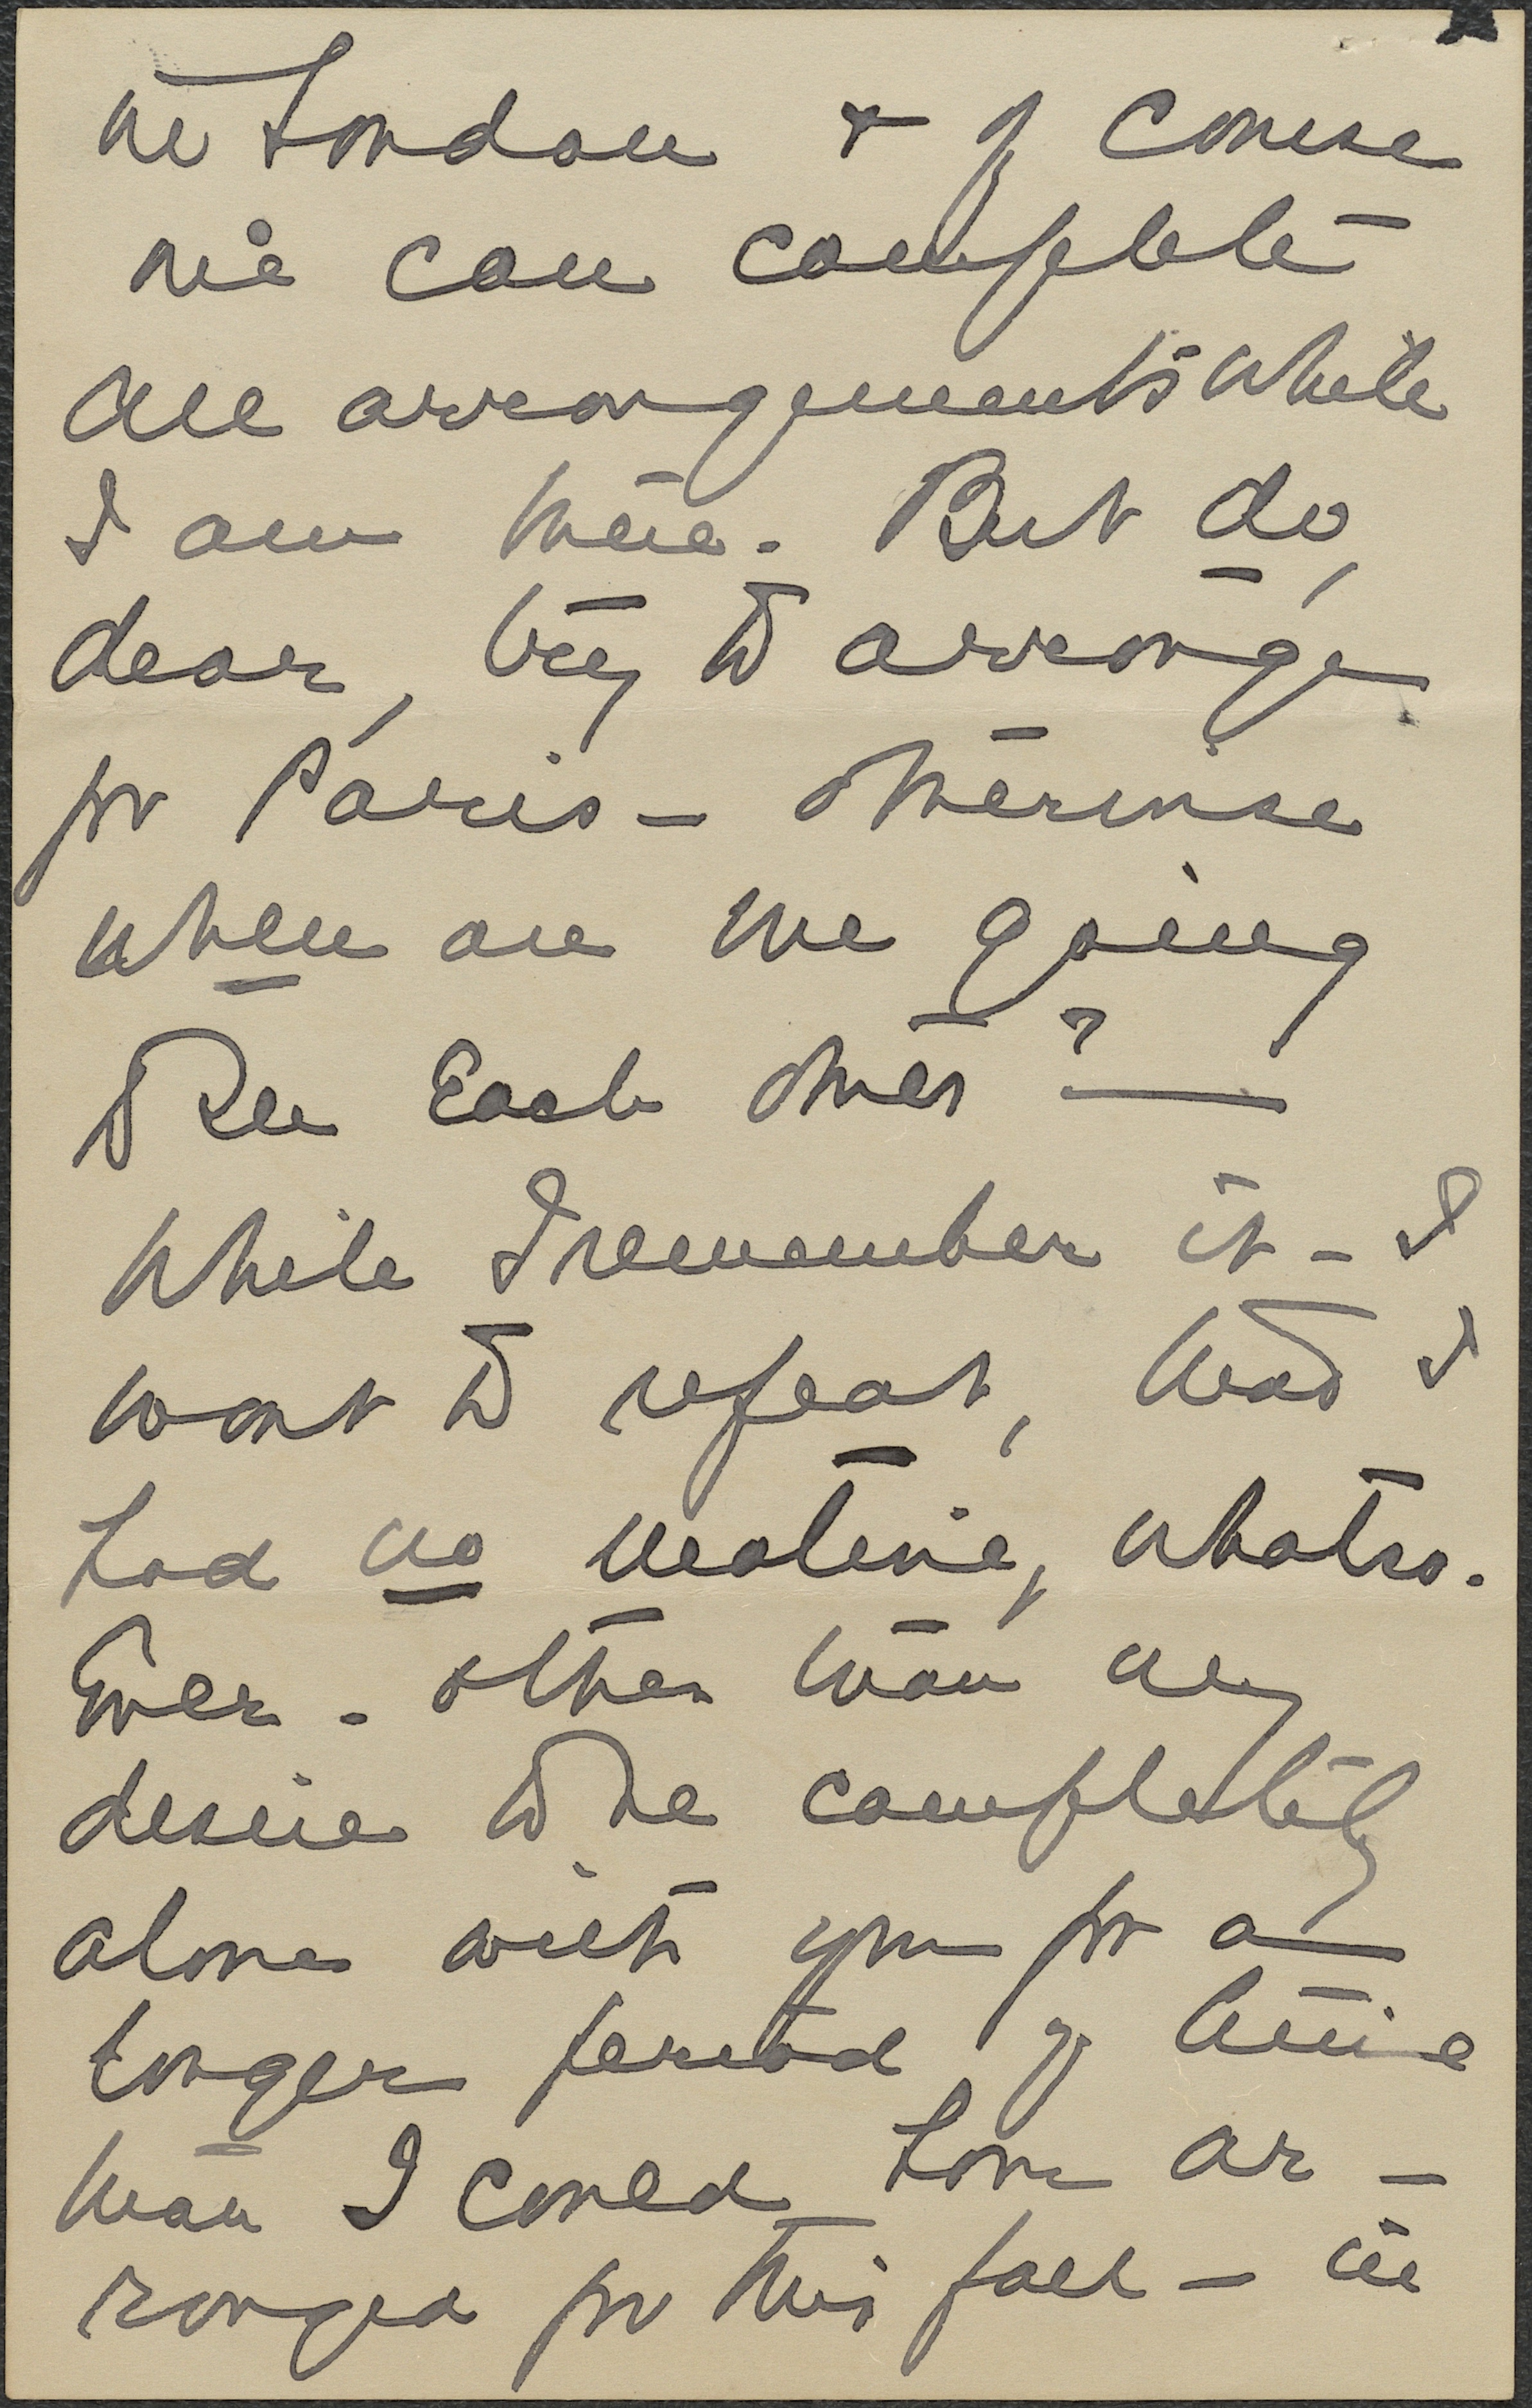in London & of course we can complete all arrangements while I am there. But do, dear, try to arrange for Paris – otherwise when are we going to see each other? –
While I remember it – I want to repeat, that I had no motive, whatsoever – other than my desire to be completely alone with you for a longer period of time than I could have arranged for this fall – in